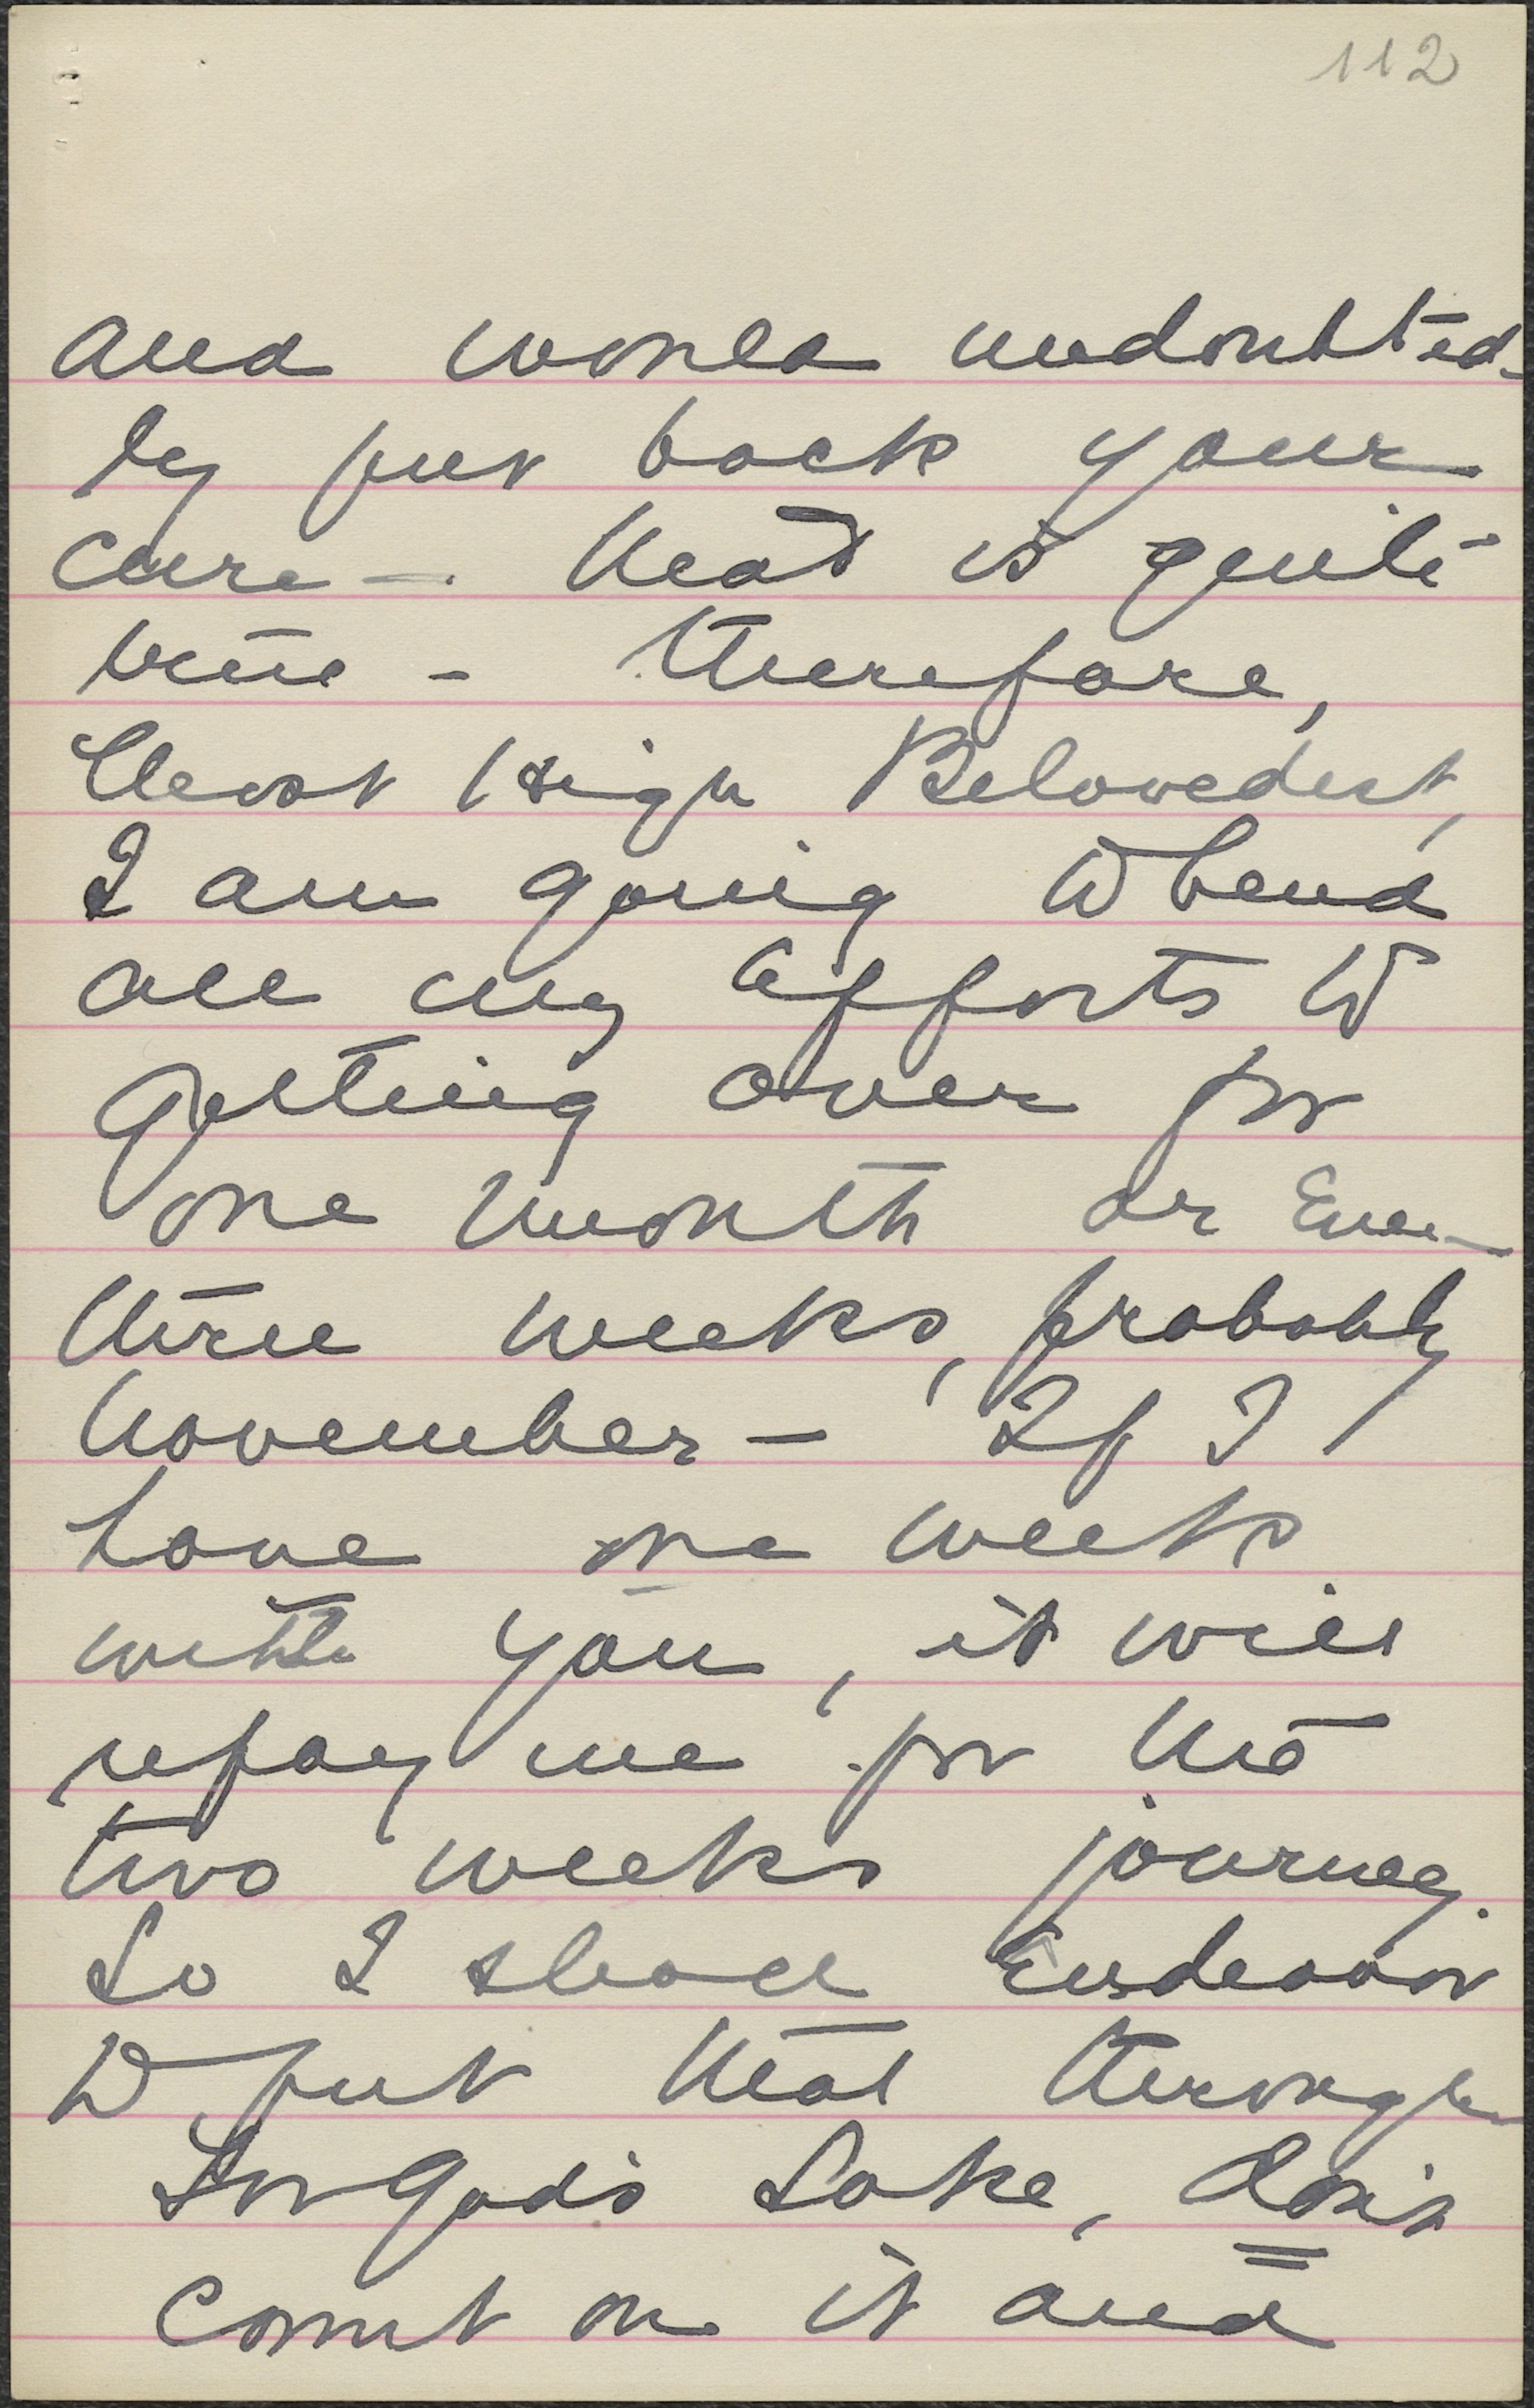and would undoubtedly put back your cure – that is quite true – therefore, Most High Belovedest, I am going to bend all my efforts to getting over for one month or even three weeks, probably November – If I have one week with you, it will repay me for the two weeks journey. So I shall endeavor to put that through for god’s sake, [double underlined: don’t] count on it and